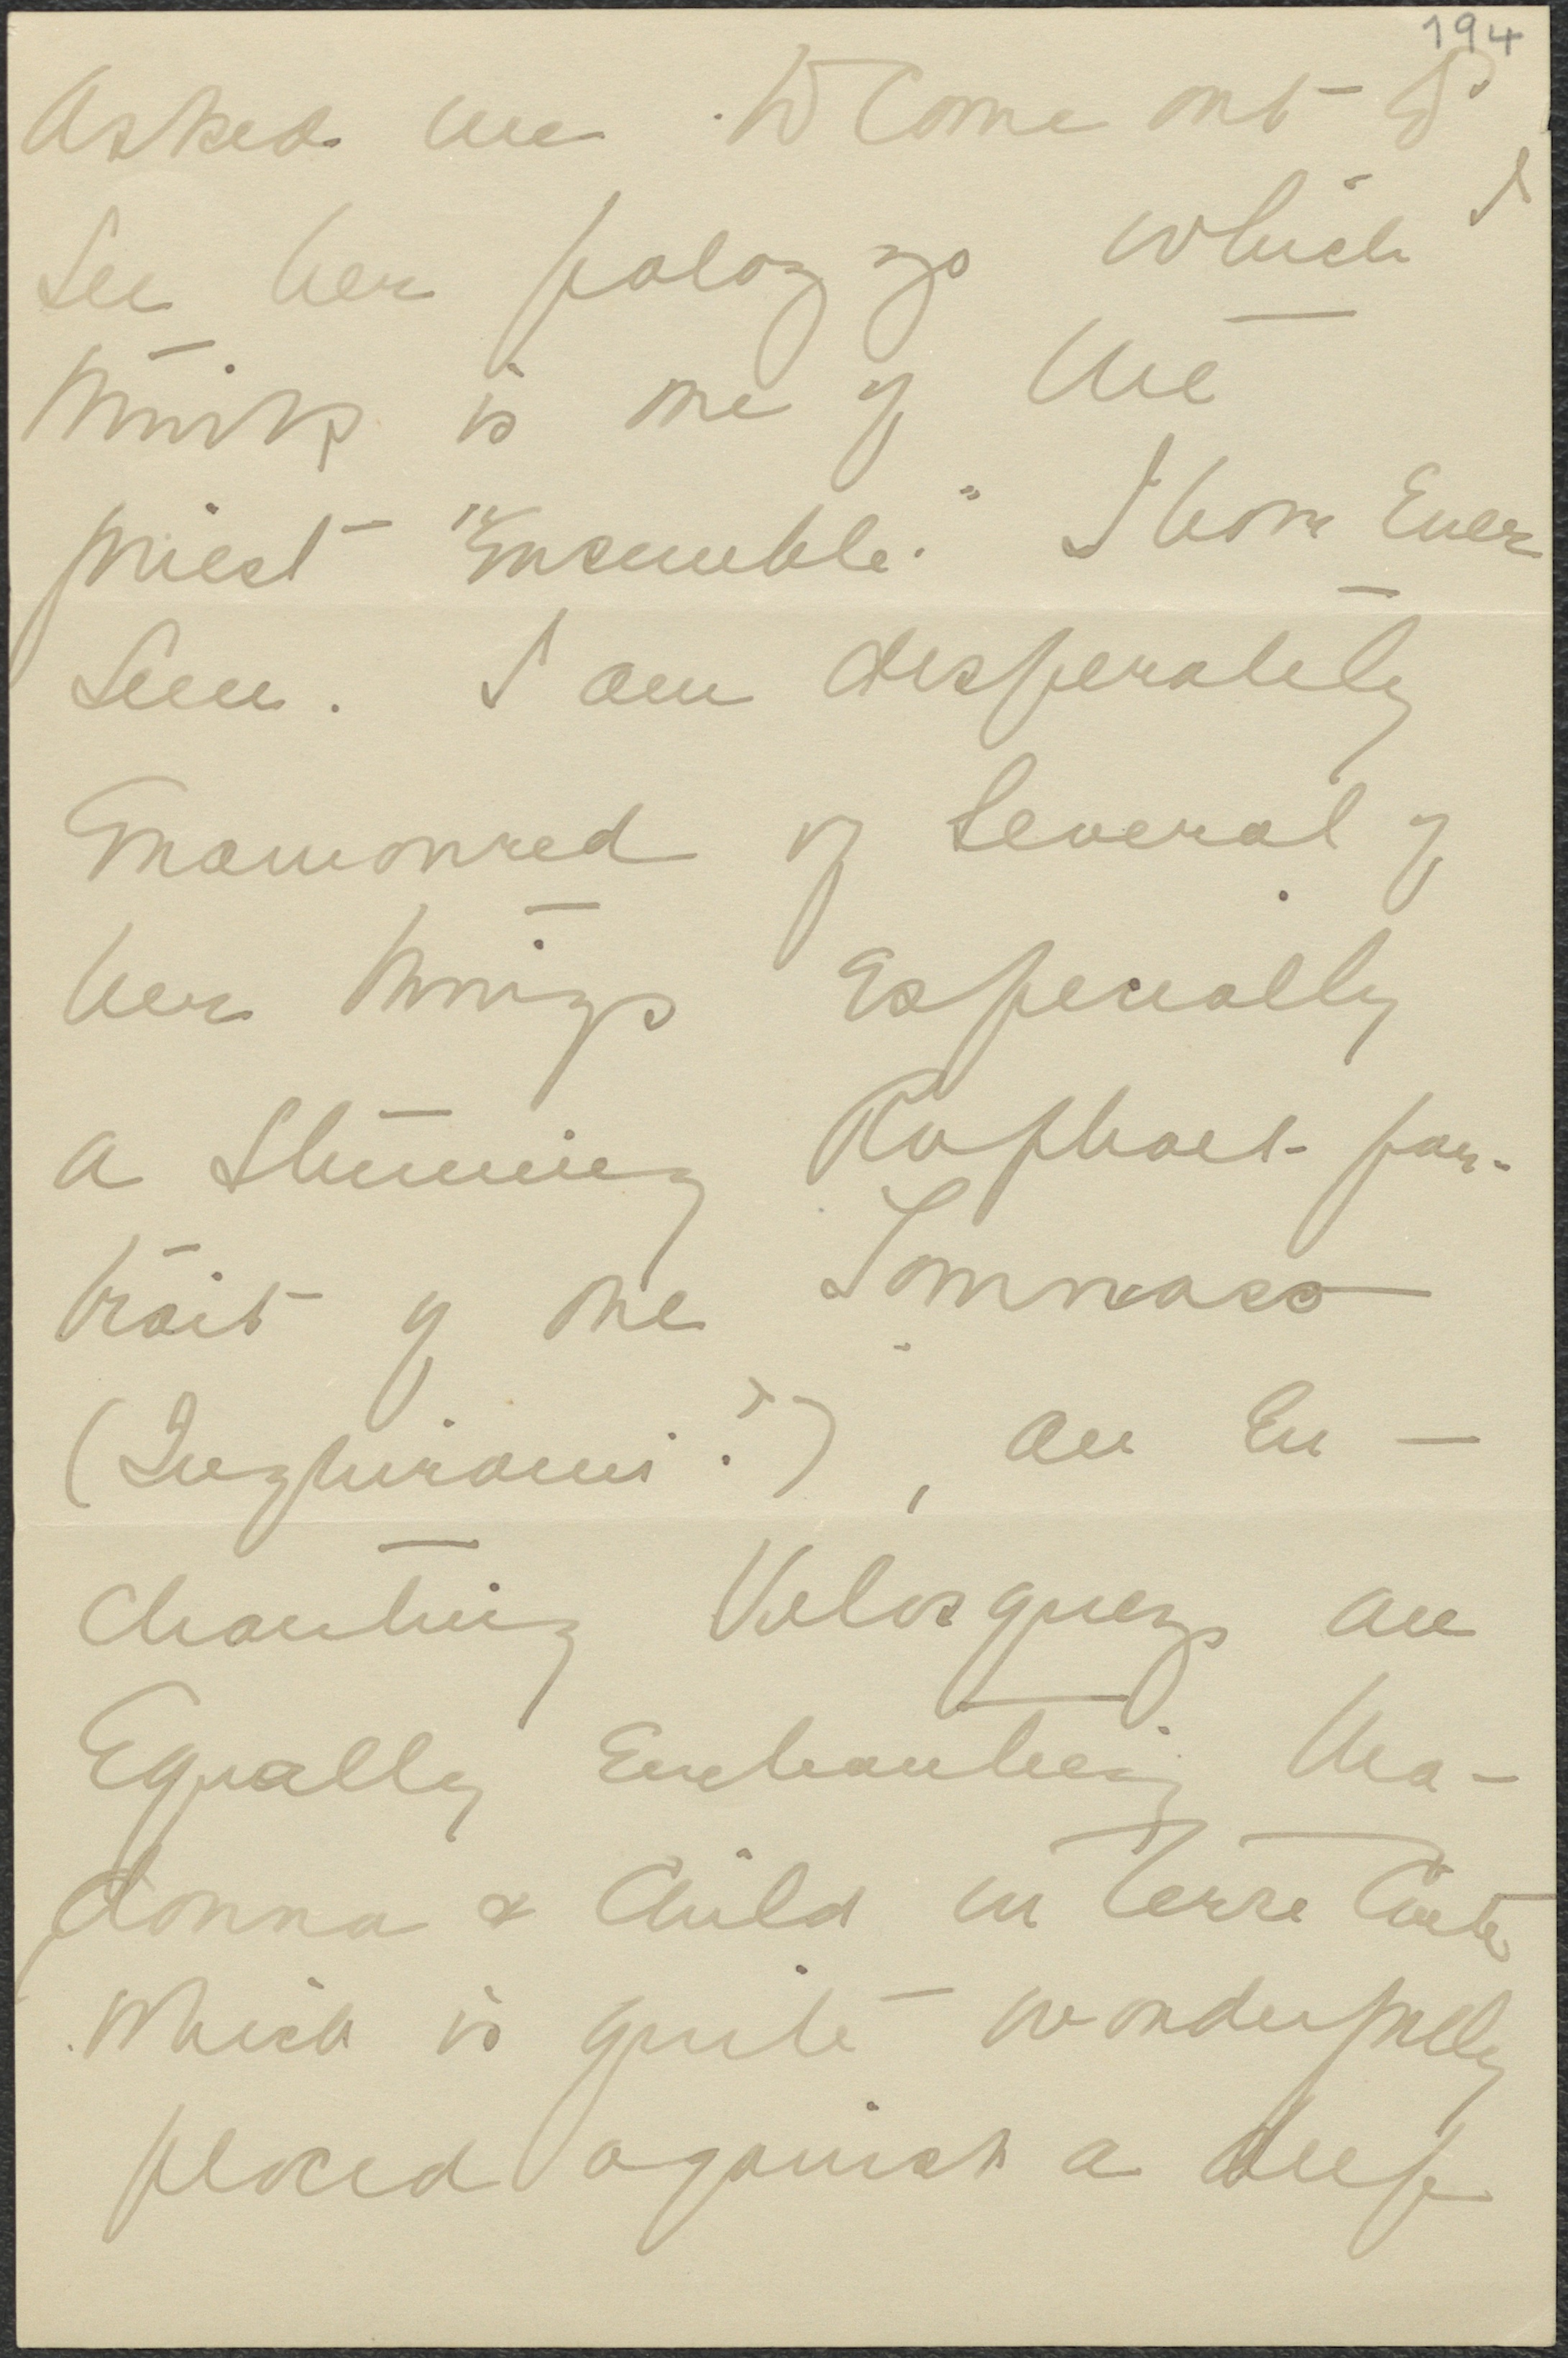asked me to come out to see her palazzo which I think is one of the finest “ensemble,” I have ever seen. I am desperately enamored of several of her things especially a stunning Raphael portrait of one Tommaso (Inghirami?), an enchanting Velazquez an equally enchanting Madonna & Child in terra cotta which is quite wonderfully placed against a deep